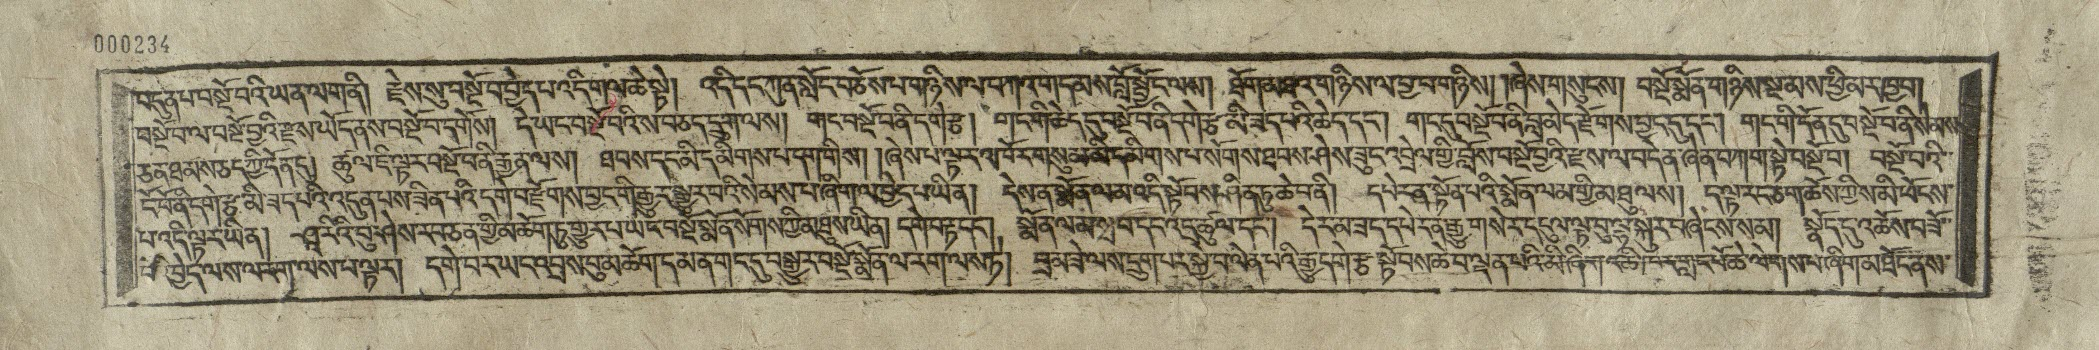བདུན་པ་བསྔོ་བའི་ཡན་ལག་ནི། རྗེས་སུ་བསྔོ་བ་བྱེད་པ་འདི་གལ་ཆེ་སྟེ། འདི་དང་ཀུན་སློང་བཅོས་པ་གཉིས་ལ་བཀའ་གདམས་བློ་སྦྱོང་ལས། ཐོག་མཐའ་གཉིས་ལ་བྱ་བ་གཉིས། །ཞེས་གསུངས། བསྔོ་སྨོན་གཉིས་སྔ་མས་ཕྱི་མར་ཁྱབ།
བསྔོ་བ་ལ་བསྔོ་བྱའི་རྫས་ཡོད་ནས་བསྔོ་བ་དགོས། དེ་ཡང་བསྔོ་བའི་ས་བཅད་དྲུག་ལས། གང་བསྔོ་བ་ནི་དགེ་རྩ། གང་གི་ཆེད་དུ་བསྔོ་བ་ནི་དགེ་རྩ་མི་ཟད་པའི་ཆེད་དང་། གང་དུ་བསྔོ་བ་ནི་བླ་མེད་རྫོགས་བྱང་དུ་དང་། གང་གི་དོན་དུ་བསྔོ་བ་ནི་སེམས་
ཅན་ཐམས་ཅད་ཀྱི་དོན་དུ། ཚུལ་ཇི་ལྟར་བསྔོ་བ་ནི་རྒྱན་ལས། ཐབས་དང་མི་དམིགས་པ་དག་གིས། །ཞེས་པ་ལྟར་འཁོར་གསུམ་མི་དམིགས་པ་སོགས་ཐབས་ཤེས་ཟུང་འབྲེལ་གྱི་བློས་བསྔོ་བྱའི་རྫས་ལ་བདེན་ཞེན་བཀག་སྟེ་བསྔོ་བ། བསྔོ་བའི་
ངོ་བོ་ནི་དགེ་རྩ་མི་ཟད་པའི་འདུན་པས་ཟིན་པའི་དགེ་བ་རྫོགས་བྱང་གི་རྒྱུར་སྒྱུར་བའི་སེམས་པ་ཞིག་ལ་བྱེད་པ་ཡིན། དེས་ན་སྨོན་ལམ་འདི་སྟོབས་ཤིན་ཏུ་ཆེ་བ་ནི། དཔེར་ན་སྟོན་པའི་སྨོན་ལམ་གྱི་མཐུ་ལས། ད་ལྟ་རང་ཅག་ཆོས་ཀྱིས་མི་ཕོངས་
པ་འདི་ལྟར་ཡིན། ཤཱ་རིའི་བུ་ཤེས་རབ་ཅན་གྱི་མཆོག་ཏུ་གྱུར་པ་ཡང་བསྔོ་སྨོན་སོགས་ཀྱི་མཐུས་ཡིན། དགེ་བ་རྟ་དང་། སྨོན་ལམ་སྲབ་དང་འདྲ་ཚུལ་དང་། དེར་མ་ཟད་དཔེར་ན་རྒྱུ་གསེར་དངུལ་ལྟ་བུ་ལྷ་སྐུར་བཞེངས་སམ། སྣོད་དུ་འཆོས་བཟོ་
བོའི་བྱེད་ལས་ལ་རག་ལས་པ་ལྟར། དགེ་བར་ཡང་འབྲས་བུ་མཆོག་དམན་གང་དུ་བསྒྱུར་བསྔོ་སྨོན་ལ་རག་ལས་ཏེ། བྲམ་ཟེ་ལས་དྲུག་པར་སྐྱེ་བ་ལེན་པའི་རྒྱུ་དགེ་རྩ་སྟོབས་ཆེ་བ་ལྡན་པའི་མི་ཞིག་འཆི་ཁར་གླང་པོ་ཆེ་ལེགས་པ་ཞིག་མཐོང་ནས་